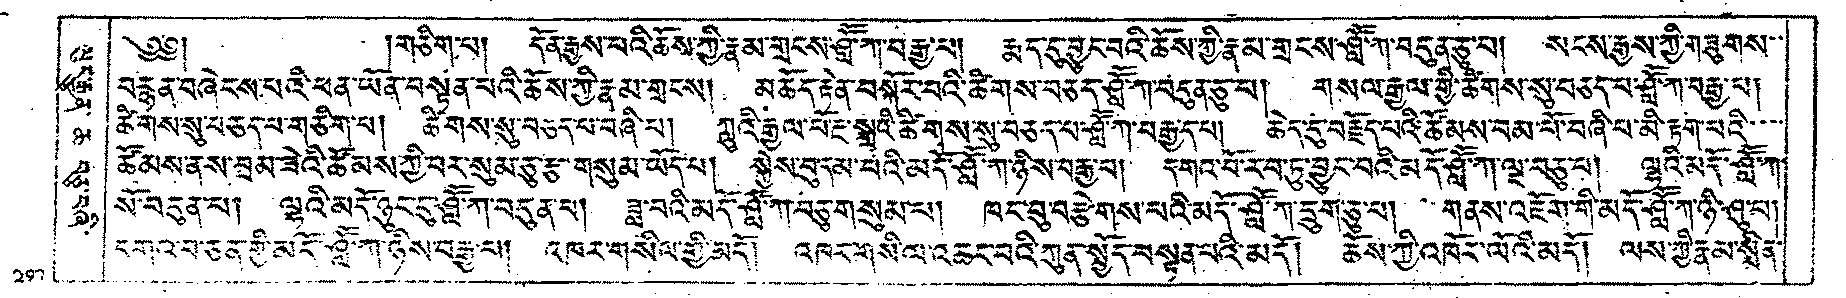༄༅། །གཅིག་པ། དོན་རྒྱས་པའི་ཆོས་ཀྱི་རྣམ་གྲངས་ཤླཽ་ཀ་བརྒྱ་པ། རྨད་དུ་བྱུང་བའི་ཆོས་ཀྱི་རྣམ་གྲངས་ཤླཽ་ཀ་བདུན་ཅུ་པ། སངས་རྒྱས་ཀྱི་གཟུགས་
བརྙན་བཞེངས་པའི་ཕན་ཡོན་བསྟན་པའི་ཆོས་ཀྱི་རྣམ་གྲངས། མཆོད་རྟེན་བསྐོར་བའི་ཚིགས་བཅད་ཤླཽ་ཀ་བདུན་ཅུ་པ། གསལ་རྒྱལ་གྱི་ཚིགས་སུ་བཅད་པ་ཤླཽ་ཀ་བརྒྱ་པ།
ཚིགས་སུ་བཅད་པ་གཅིག་པ། ཚིགས་སུ་བཅད་པ་བཞི་པ། ཀླུའི་རྒྱལ་པོ་རྔ་སྒྲའི་ཚིགས་སུ་བཅད་པ་ཤླཽ་ཀ་བརྒྱད་པ། ཆེད་དུ་བརྗོད་པའི་ཚོམས་བམ་པོ་བཞི་པ་མི་རྟག་པའི་
ཚོམས་ནས་བྲམ་ཟེའི་ཚོམས་ཀྱི་བར་སུམ་ཅུ་རྩ་གསུམ་ཡོད་པ། སྐྱེས་བུ་དམ་པའི་མདོ་ཤླཽ་ཀ་ཉིས་བརྒྱ་པ། དགའ་བོ་རབ་ཏུ་བྱུང་བའི་མདོ་ཤླཽ་ཀ་ལྔ་བཅུ་པ། ལྷའི་མདོ་ཤླཽ་ཀ་
སོ་བདུན་པ། ལྷའི་མདོ་ཉུང་ངུ་ཤླཽ་ཀ་བདུན་པ། ཟླ་བའི་མདོ་ཤླཽ་ཀ་བཅུ་གསུམ་པ། ཁང་བུ་བརྩེགས་པའི་མདོ་ཤླཽ་ཀ་དྲུག་ཅུ་པ། གནས་འཇོག་གི་མདོ་ཤླཽ་ཀ་ཉི་ཤུ་པ།
དགའ་བ་ཅན་གྱི་མདོ་ཤླཽ་ཀ་ཉིས་བརྒྱ་པ། འཁར་གསིལ་གྱི་མདོ། འཁར་གསིལ་འཆང་བའི་ཀུན་སྤྱོད་བསྟན་པའི་མདོ། ཆོས་ཀྱི་འཁོར་ལོའི་མདོ། ལས་ཀྱི་རྣམ་སྨིན་